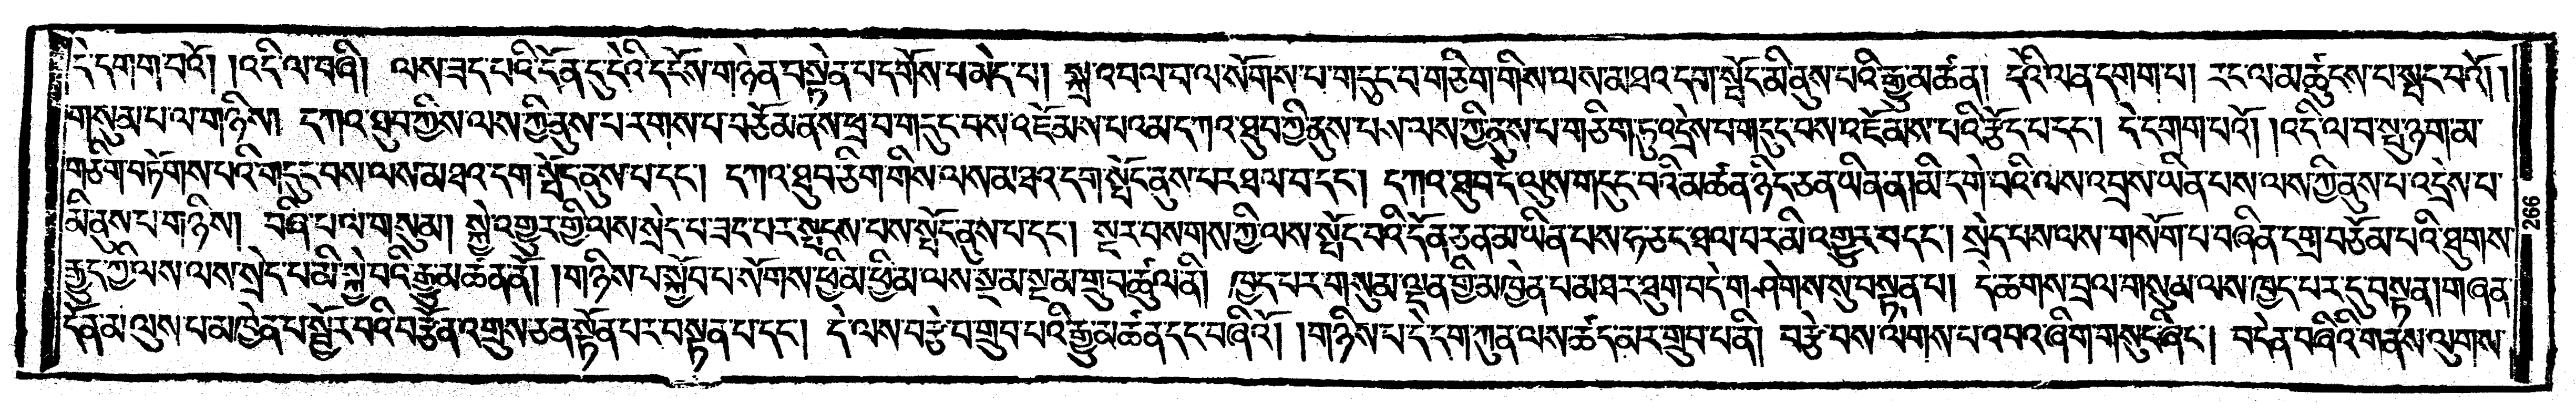དེ་དགག་པའོ། །འདི་ལ་བཞི། ལས་ཟད་པའི་དོན་དུ་དེའི་དངོས་གཉེན་བསྟེན་པ་དགོས་པ་མེད་པ། སྐྲ་འབལ་པ་ལ་སོགས་པ་གདུང་བ་གཅིག་གིས་ལས་མཐའ་དག་སྤོང་མི་ནུས་པའི་རྒྱུ་མཚན། དེའི་ལན་དགག་པ། རང་ལ་མཚུངས་པ་སྤང་བའོ། །
གསུམ་པ་ལ་གཉིས། དཀའ་ཐུབ་ཀྱིས་ལས་ཀྱི་ནུས་པ་རགས་པ་བཅོམ་ནས་ཕྲ་བ་གདུང་བས་འཇོམས་པའམ་དཀའ་ཐུབ་ཀྱི་ནུས་པས་ལས་ཀྱི་ནུས་པ་གཅིག་ཏུ་འདྲེས་པ་གདུང་བས་འཇོམས་པའི་རྩོད་པ་དང་། དེ་དགག་པའོ། །འདི་ལ་བ་སྤུ་ཉག་མ་
གཅིག་བཏོགས་པའི་གདུང་བས་ལས་མཐའ་དག་སྤོང་ནུས་པ་དང་། དཀའ་ཐུབ་ཅིག་གིས་ལས་མཐའ་དག་སྤོང་ནུས་པར་ཐལ་བ་དང་། དཀའ་ཐུབ་དེ་ལུས་གདུང་བའི་མཚན་ཉིད་ཅན་ཡིན་ན། མི་དགེ་བའི་ལས་འབྲས་ཡིན་པས་ལས་ཀྱི་ནུས་པ་འདྲེས་པ་
མི་ནུས་པ་གཉིས། བཞི་པ་ལ་གསུམ། སྐྱེ་འགྱུར་གྱི་ལས་སྲེད་པ་ཟད་པར་སྤངས་པས་སྤོང་ནུས་པ་དང་། སྔར་བསགས་ཀྱི་ལས་སྤོང་བའི་དོན་ཅན་མ་ཡིན་པས་ཧ་ཅང་ཐལ་བར་མི་འགྱུར་བ་དང་། སྲེད་པས་ལས་གསོག་པ་བཞིན་དགྲ་བཅོམ་པའི་ཐུགས་
རྒྱུད་ཀྱི་ལས་ལས་སྲེད་པ་མི་སྐྱེ་བའི་རྒྱུ་མཚན་ནོ། །གཉིས་པ་སྐྱོབ་པ་སོགས་ཕྱི་མ་ཕྱི་མ་ལས་སྔ་མ་སྔ་མ་གྲུབ་ཚུལ་ནི། ཁྱད་པར་གསུམ་ལྡན་གྱི་མཁྱེན་པ་མཐར་ཐུག་བདེ་གཤེགས་སུ་བསྟན་པ། དེ་ཆགས་བྲལ་གསུམ་ལས་ཁྱད་པར་དུ་བསྟན། གཞན་
དོན་མ་ལུས་པ་མཁྱེན་པ་སྦྱོར་བའི་བརྩོན་འགྲུས་ཅན་སྟོན་པར་བསྟན་པ་དང་། དེ་ལས་བརྩེ་བ་གྲུབ་པའི་རྒྱུ་མཚན་དང་བཞིའོ། །གཉིས་པ་དེ་དག་ཀུན་ལས་ཚད་མར་གྲུབ་པ་ནི། བརྩེ་བས་ལེགས་པ་འབའ་ཞིག་གསུང་ཞིང་། བདེན་བཞིའི་གནས་ལུགས་